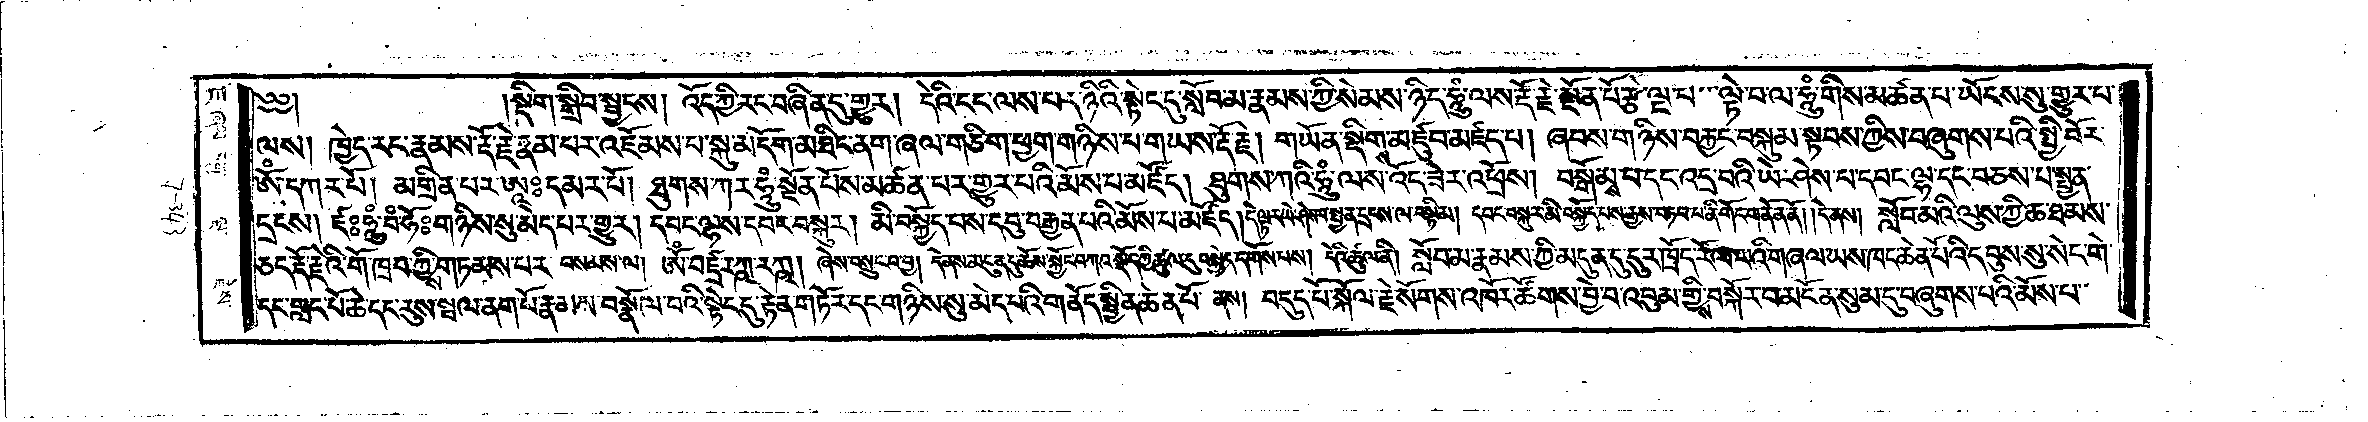༄༅། །སྡིག་སྒྲིབ་སྦྱངས། འོད་ཀྱི་རང་བཞིན་དུ་གྱུར། དེའི་ངང་ལས་པད་ཉིའི་སྟེང་དུ་སློབ་མ་རྣམས་ཀྱི་སེམས་ཉིད་ཧཱུཾ་ལས་རྡོ་རྗེ་སྔོན་པོ་རྩེ་ལྔ་པ་ལྟེ་བ་ལ་ཧཱུཾ་གིས་མཚན་པ་ཡོངས་སུ་གྱུར་པ་
ལས༑ ཁྱེད་རང་རྣམས་རྡོ་རྗེ་རྣམ་པར་འཇོམས་པ་སྐུ་མདོག་མཐིང་ནག་ཞལ་གཅིག་ཕྱག་གཉིས་པ་གཡས་རྡོ་རྗེ། གཡོན་སྡིགས་མཛུབ་མཛད་པ། ཞབས་གཉིས་བརྐྱང་བསྐུམ་སྟབས་ཀྱིས་བཞུགས་པའི་སྤྱི་བོར་
ཨོཾ་དཀར་པོ། མགྲིན་པར་ཨཱཿདམར་པོ། ཐུགས་ཀར་ཧཱུཾ་སྔོན་པོས་མཚན་པར་གྱུར་པའི་མོས་པ་མཛོད། ཐུགས་ཀའི་ཧཱུཾ་ལས་འོད་ཟེར་འཕྲོས། བསྒོམས་པ་དང་འདྲ་པའི་ཡེ་ཤེས་པ་དབང་ལྷ་དང་བཅས་པ་སྤྱན་
དྲངས། ཛཿཧཱུཾ་བཾ་ཧོཿགཉིས་སུ་མེད་པར་གྱུར། དབང་ལྷས་དབང་བསྐུར། མི་བསྐྱོད་པས་དབུ་བརྒྱན་པའི་མོས་པ་མཛོད། །དེ་ལྟར་ཡེ་ཤེས་བ་སྦྱན་དྲངས་ལ་བསྟིམ། དབང་བསྐུར་མི་བསྐྱོད་པས་རྒྱས་བཏབ་པ་ནི་གོང་གནོན་ནོ། །དེ་ནས།  སློབ་མའི་ལུས་ཀྱི་ཆ་ཐམས་
ཅད་རྡོ་རྗེའི་གོ་ཁྲབ་ཀྱིས་གཏམས་པར་བསམས་ལ། ཨོཾ་བཛྲ་རཀྵ་རཀྵ། ཞེས་བསྲུང་བ་བྱ། དེ་ནས་མདུན་དུ་ཆོས་སྐྱོང་བཀའ་སྡོད་ཀྱི་ཆུ་ལ་དུ་བསྐྱེད་དགོས་པས། དེའི་ཚུལ་ནི། སློབ་མ་རྣམས་ཀྱི་མདུན་དུ་དུར་ཁྲོད་རོལ་པའི་གཞལ་ཡས་ཁང་ཆེན་པོའི་དབུས་སུ་སེང་གེ་
དང་གླང་པོ་ཆེ་དང་རུས་སྤལ་ནག་པོ་རྣམས་བསྣོལ་བའི་སྟེང་དུ་རྟེན་གཏོར་དང་གཉིས་སུ་མེད་པའི་གནོད་སྦྱིན་ཆེན་པོ་ནས། བདུད་པོ་སྐོལ་རྗེ་སོགས་འཁོར་ཚོགས་བྱེ་བ་འབུམ་གྱིས་བསྐོར་བ་མངོན་སུམ་དུ་བཞུགས་པའི་མོས་པ་